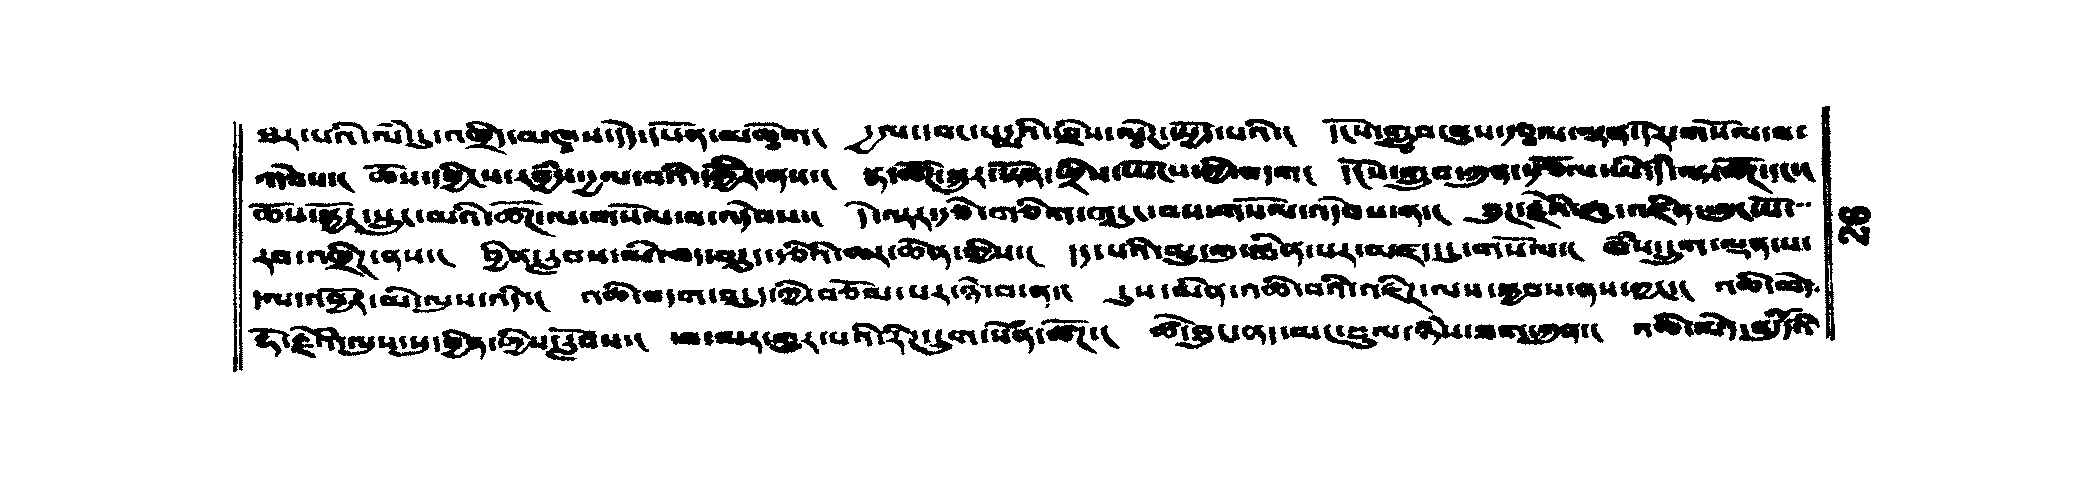།ཐར་པའི་ལམ་དུ་འཁྲིད་མཁས་དེད་དཔོན་མཆོག །རྒྱལ་དབང་པདྨའི་ཕྲིན་ལས་ལེགས་སྤྱོད་པའི། །དངོས་གྲུབ་ནུས་རྩལ་ལྡན་དེར་གསོལ་བ་
འདེབས། །ཆོས་དབྱིངས་རབ་འབྱམས་རྒྱལ་བའི་དཀྱིལ་འཁོར་ནས། །སྣ་ཚོགས་སྐུར་སྟོན་ཕྲིན་ལས་ཡོངས་ཀྱི་བདག །དངོས་གྲུབ་ཀུན་སྩོལ་ཡིད་དམ་ལྷ་ཚོགས་དང་། །
ཆོས་སྐྱོང་སྲུང་མའི་ཚོགས་ལ་གསོལ་བ་འདེབས། །དེ་ལྟར་རྩེ་གཅིག་གདུང་བས་གསོལ་འདེབས་ན། །ཐུགས་རྗེའི་ཆུ་འཛིན་ཕུང་པོ་
རབ་འཁྲིགས་ནས། །བྱིན་རླབས་མི་ཟད་བདུད་རྩིའི་ཆར་ཆེན་གྱིས། །དད་པའི་མྱུ་གུ་སྨིན་པར་མཛད་དུ་གསོལ། །ཁམས་དྲུག་ལྡན་པ་
དལ་འབྱོར་མི་ལུས་འདི། །འཆི་བདག་བདུད་ཀྱི་བཅོམ་པར་ཉེ་བ་ན། །དུས་མིན་འཆི་བའི་འཇིགས་ལས་སྐྱབས་ནས་ཀྱང་། །འཆི་མེད་
རྡོ་རྗེའི་ལུས་སུ་བྱིན་གྱིས་རློབས། །ཕ་མར་གྱུར་པའི་རིགས་དྲུག་སེམས་ཅན་ཚོགས། །ཚེ་ཐུང་ནད་མང་སྡུག་བསྔལ་ཉམས་ཐག་ཀུན། །འཆི་མེད་བདུད་རྩིའི་